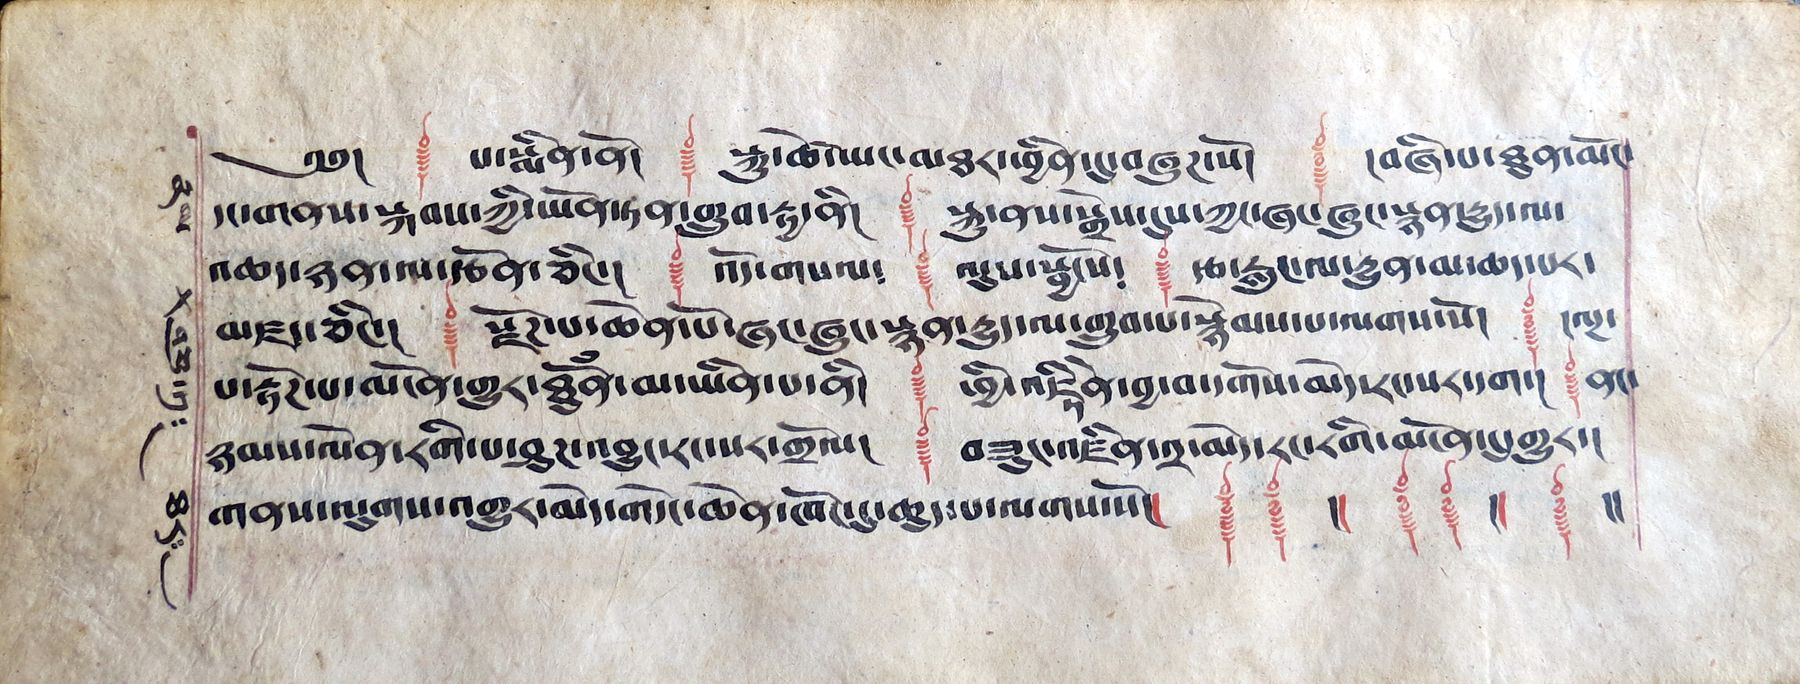པ་སྨིན་ནོ། ། སྐུ་ཚེ་ཡང་མཐར་ཕྱིན་དུ་བཞུགས་སོ། ། བཞི་པ་ཐུན་མོང་
དང་གནས་སྐབས་ཀྱི་ཡོན་ཏན་གྲུབ་རྟགས་ནི། སྐུ་ན་བགྲེས་དུས་ཀྱང་ཞང་ཞུང་སྙན་རྒྱུད་ལ་
འཆད་ཉན་བརྩོན་ཞིང་འོད་གསལ་ལུས་སྦྱོང་། རྩ་རླུང་ལ་རྒྱུན་མ་ཆད་པར་
མཛད་ཅིང་། རྫོགས་པ་ཆེན་པོ་ཞང་ཞུང་སྙན་རྒྱུད་ལ་གྲུབ་པ་བསྙེམས་པ་ལགས་སོ། ། ལྔ་
པ་རྟོགས་པ་མངོན་གྱུར་ཐུན་མོང་མ་ཡིན་པ་ནི། ཕྱི་འཇིག་རྟེན་གྱི་བྱ་བ་དགོས་མེད་རང་སར་དག ནང་
ཉམས་ལེན་རིག་པ་ཤུགས་འབྱུང་རང་སར་གྲོལ། བར་བཟུང་འཛིན་གཉིས་མེད་རང་རིག་མངོན་དུ་གྱུར། 
གནས་ལུགས་འགྱུར་མེད་གདེང་ཆེན་ཁོང་དུ་ཆུད་པ་ལགས་སོ། །